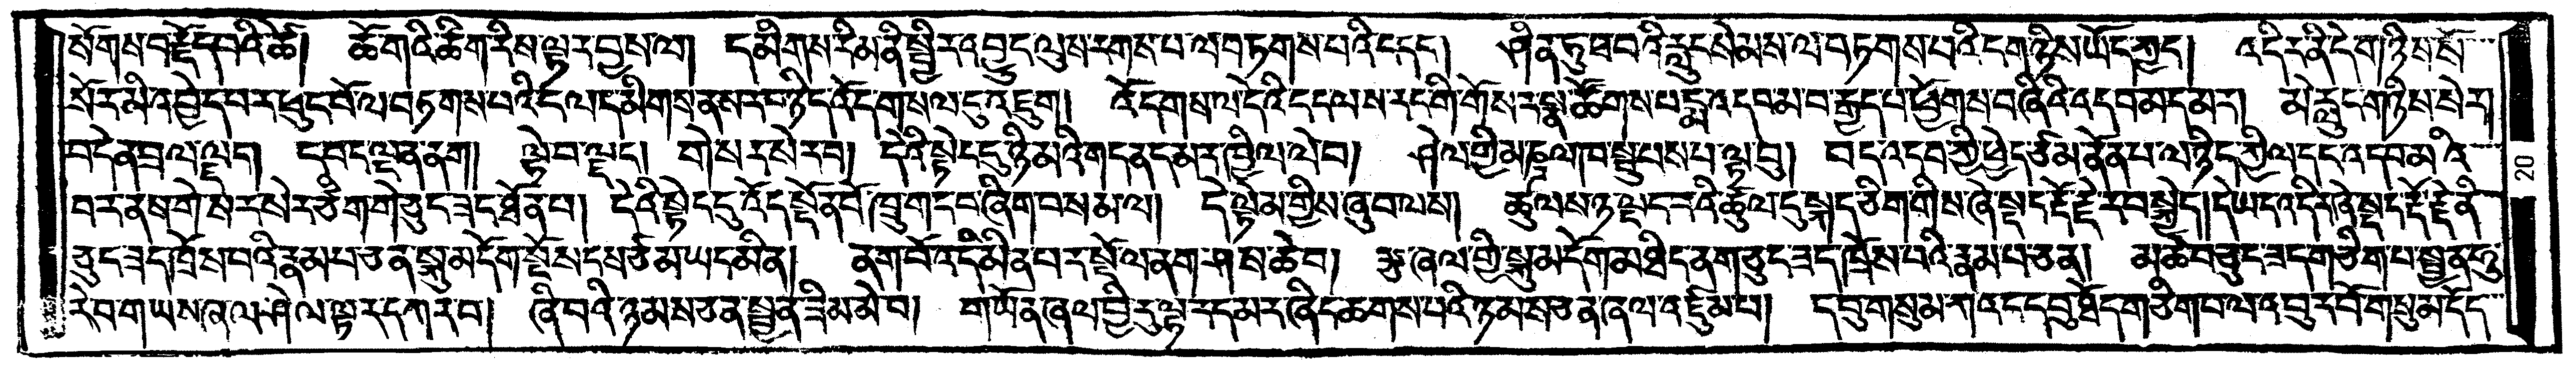སོགས་བརྗོད་པའི་ཚེ། ཆོ་གའི་ཚིག་རིས་ལྟར་བྱས་ལ། དམིགས་རིམ་ནི་སྤྱིར་འབྱུང་ལུས་རགས་པ་ལ་བཏགས་པའི་ང་དང་། ཤིན་ཏུ་ཐ་བའི་རླུང་སེམས་ལ་བཏགས་པའི་ང་གཉིས་ཡོད་ཀྱང་། འདིར་ནི་དེ་གཉིས་སོ་
སོར་མི་འབྱེད་པར་ཕུང་པོ་ལ་བཏགས་པའི་ངལ་དམིགས་ནས་རང་ཉིད་འོད་གསལ་དུ་འཇུག། འོད་གསལ་དེའི་དང་ལས་རང་གི་གོ་སར་སྣ་ཚོགས་པདམ་འདབ་མ་བརྒྱད་པ་ཕྱོགས་བཞིའི་འདབ་མད་མར། མེ་རླུང་གཉིས་སེར།
བདེན་བྲལ་ལྗང་། དབང་ལྡན་ནག། ལྟེ་བ་ལྗང་། གེ་སར་སེར་བ། དེའི་སྟེང་དུ་ཉི་མའི་གདན་དམར་ཁྱིལ་ལེབ། ཤེལ་གྱི་མཎྜལ་ཁ་སྤུབས་པ་ལྟ་བུ། བད་འདབ་ཀྱི་ཕྱེད་ཙམ་ནོན་པ་ལ་ཉིད་དཀྱིལ་དང་འདབ་མའི་
བར་ནས་གེ་སར་སེར་ཅིག་གེ་ཅུང་ཟད་ཐོན་པ། དེའི་སྟེང་དུ་འོད་སྔོན་པོ་ཁྲུ་གང་བ་ཞིག་བསམ་ལ། དེ་ལྟེམ་གྱིས་ཞུ་བ་ལས། ཚུ་ལས་ཉ་ལྡང་རའི་ཚུལ་དུ་སྐད་ཅིག་གིས་ཞེ་སྡང་རྡོ་རྗེ་རབ་སྐྱེད། དེ་ཡང་འདིར་ཞེ་སྡང་རྡོ་རྗེ་ནི་
ཅུང་ཟད་ཁྲོས་པའི་རྣམ་པ་ཅན་སྐུ་མདོག་སྔོ་སངས་ཙམ་ཡང་མིན། ནག་པོ་འདི་མིན་པར་སྔོ་ལ་ནག་ཤས་ཆེ་བ། རྩ་ཞལ་གྱི་སྐུ་མདོག་མཐིང་ནག་ཅུང་ཟད་ཁྲོས་པའི་རྣམ་པ་ཅན། མཆེ་བ་ཅུང་ཟད་གཅིག་པ་སྤྱན་ཧུ་
རེ་བ་གཡས་ཞལ་ཤེལ་ལྟར་དཀར་བ། ཞི་བའི་ཉམས་ཅན་སྤྱན་ཟིམ་མེ་བ། གཡོན་ཞལ་བྱི་རུ་ལྟར་དམར་ཞིང་ཆགས་པའི་ཉམས་ཅན་ཞལ་འཛུམ་པ། དབུ་གསུམ་ཀའང་དབུ་ཐོད་གཅིག་པ་ལ་འབུར་པོ་གསུམ་དོད་